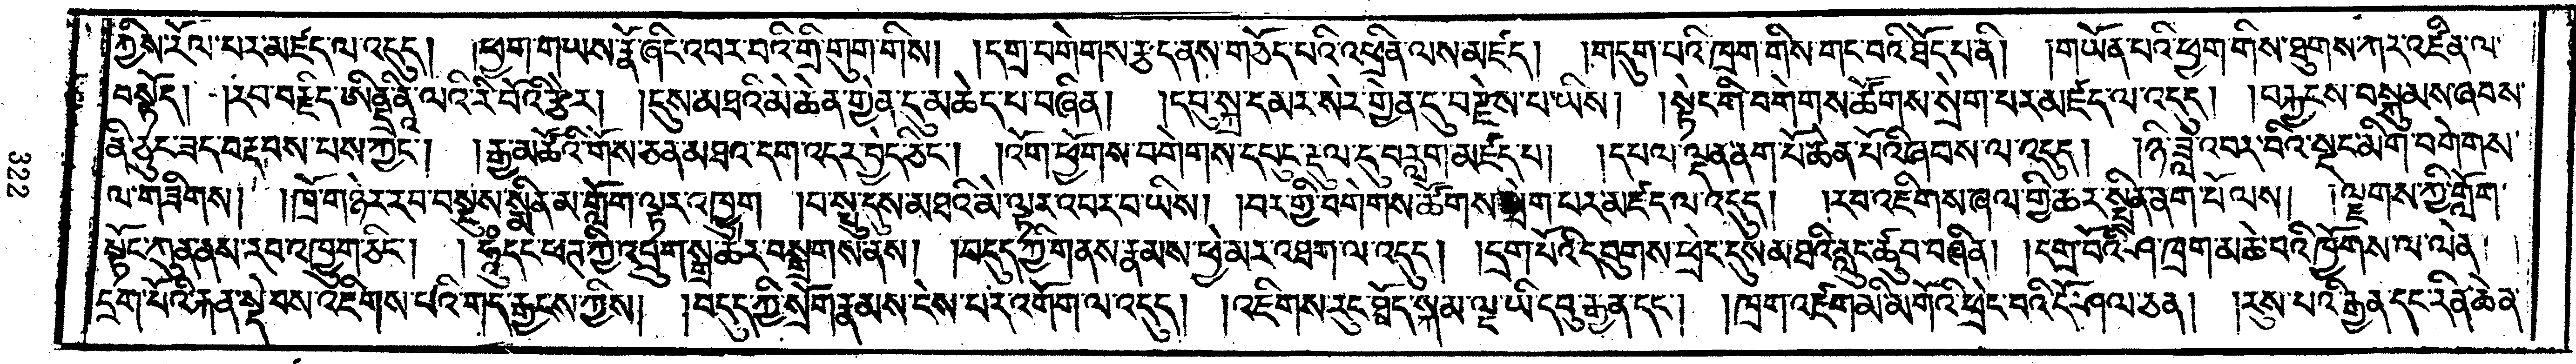ཀྱིས་རོལ་པར་མཛད་ལ་འདུད། །ཕྱག་གཡས་རྣོ་ཞིང་འབར་བའི་གྲི་གུག་གིས། །དགྲ་བགེགས་རྩད་ནས་གཅོད་པའི་འཕྲིན་ལས་མཛད། །གདུག་པའི་ཁྲག་གིས་གང་བའི་ཐོད་པ་ནི། །གཡོན་པའི་ཕྱག་གིས་ཐུགས་ཀར་འཛིན་ལ་
བསྟོད། །རབ་བརྗིད་ཨིནྡྲ་ནཱི་ལའི་རི་བོའི་རྩེར། །དུས་མཐའི་མེ་ཆེན་གྱེན་དུ་མཆེད་པ་བཞིན། །དབུ་སྐྲ་དམར་སེར་གྱེན་དུ་བརྫེས་པ་ཡིས། །སྟེང་གི་བགེགས་ཚོགས་སྲེག་པར་མཛད་ལ་འདུད། །བརྐྱངས་བསྐུམས་ཞབས་
ནི་ཅུང་ཟད་བརྡབས་པས་ཀྱང་། །རྒྱ་མཚོའི་གོས་ཅན་མཐའ་དག་འདར་བྱེད་ཅིང་། །འོག་ཕྱོགས་བགེགས་དཔུང་རྡུལ་དུ་བརླག་མཛད་པ། །དཔལ་ལྡན་ནག་པོ་ཆེན་པོའི་ཞབས་ལ་འདུད། །ཉི་ཟླ་འབར་པའི་སྔང་མིག་བགེགས་
ལ་གཟིགས། །ཁྲོ་གཉེར་རབ་བསྡུས་སྨིན་མ་གློག་ལྟར་འཁྱུག །བ་སྤུ་དུས་མཐའི་མེ་ལྟར་འབར་བ་ཡིས། །བར་གྱི་བགེགས་ཚོགས་སྲེག་པར་མཛད་ལ་འདུད། །རབ་འཇིགས་ཞལ་གྱི་ཆར་སྤྲིན་ནག་པོ་ལས། །ལྗགས་ཀྱི་གློག་
སྟོང་ཀུན་ནས་རབ་འཁྱུག་ཅིང་། །ཧཱུཾ་དང་ཕཊ་ཀྱི་འབྲུག་སྒྲ་ཆེར་བསྒྲགས་ནས། །བདུད་ཀྱི་གནས་རྣམས་ཕྱེ་མར་འཐག་ལ་འདུད། །དྲག་པོའི་དབུགས་ཕྲེང་དུས་མཐའི་རླུང་ཚུབ་བཞིན། །དགྲ་པོའི་ཤ་ཁྲག་མཆེ་བའི་ཁྱོགས་ལ་ལེན། །
དྲག་པོའི་རྐན་སྡེ་བས་འཇིགས་པའི་གད་རྒྱངས་ཀྱིས། །བདུད་ཀྱི་སྲོག་རྣམས་ངེས་པར་འགོག་ལ་འདུད། །འཇིགས་རུང་ཐོད་སྐམ་ལྔ་ཡི་དབུ་རྒྱན་དང་། །ཁྲག་འཛག་མི་མགོའི་ཕྲེང་བའི་དོ་ཤལ་ཅན། །རུས་པའི་རྒྱན་དང་རིན་ཆེན་